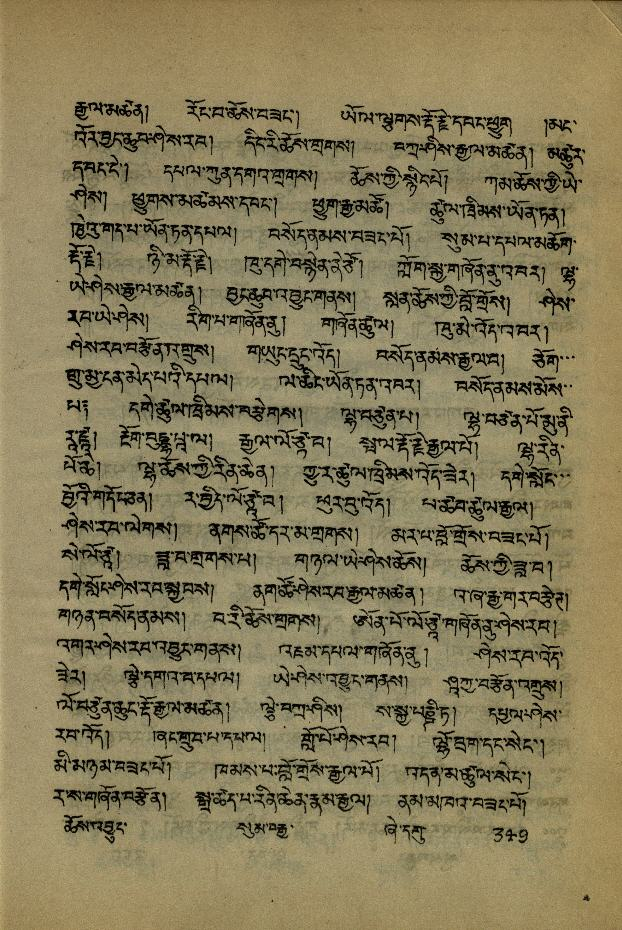རྒྱལ་མཚན། རོང་བ་ཆོས་བཟང་། ཡོལ་ལྕགས་རྡོ་རྗེ་དབང་ཕྱུག །མང་
འོར་བྱང་ཆུབ་ཤེས་རབ། དིང་རི་ཆོས་གྲགས། བཀྲ་ཤིས་རྒྱལ་མཚན། མཚུར་
དབང་ངེ། དཔལ་ཀུན་དགའ་གྲགས། ཆོས་ཀྱི་སྙིང་པོ། ཀམ་ཆོས་ཀྱི་ཡེ་
ཤེས། ཕྱུགས་མཚམས་དབང་། ཕྱུག་རྒྱ་མཚོ། ཚུལ་ཁྲིམས་ཡོན་ཏན།
ཁྱེའུ་གད་པ་ཡོན་ཏན་དཔལ། བསོད་ནམས་བཟང་པོ། སུམ་པ་དཔལ་མཆོག་
རྡོ་རྗེ། ཉི་མ་རྡོ་རྗེ། ཁུ་དགེ་བསྙེན་ནེ་ཙོ། ཀློག་སྐྱ་གཞོན་ནུ་འབར། ལྷ་
ཡེ་ཤེས་རྒྱལ་མཚན། བྱང་ཆུབ་འབྱུང་གནས། སླན་ཆོས་ཀྱི་བློ་གྲོས། ཤེས་
རབ་ཡེ་ཤེས། རིག་པ་གཞོན་ནུ། གཞོན་ཚུལ། ཁུ་མེ་འོད་འབར།
ཤེས་རབ་བརྩོན་འགྲུས། གཡུང་དྲུང་འོད། བསོད་ནམས་རྒྱལ་བ། ཅོག་
གྲུ་མྱ་ངན་མེད་པའི་དཔལ། ལ་ཆིང་ཡོན་ཏན་འབར། བསོད་ནམས་མོས་
པ༑ དགེ་ཚུལ་ཁྲིམས་བརྩེགས། ལྷ་བཙུན་པ། ལྷ་བཙན་པོ་མུ་ནི་
རཱ་ཛཱ། རྔོག་བུདྡྷ་པཱ་ལ། རྒྱལ་ལོ་ཙཱ་བ། སྤལ་རྡོ་རྗེ་རྒྱལ་པོ། ལྷ་རིན་
པོ་ཆེ། ལྷ་ཆོས་ཀྱི་རིན་ཆེན། ཀྱུ་ར་ཚུལ་ཁྲིམས་འོད་ཟེར། དགེ་སློང་
བྱོའི་གདོང་ཅན། ར་བྱིད་ལོ་ཙཱ་བ། ཕུར་བུ་འོད། པ་ཚབ་ཚུལ་རྒྱལ།
ཤེས་རབ་ལེགས། ནགས་ཚོ་དར་མ་གྲགས། མར་པ་བློ་གྲོས་བཟང་པོ།
སེ་ལོ་ཙཱ། ཟླ་བ་གྲགས་པ། གཉལ་ཡེ་ཤེས་ཆོས། ཆོས་ཀྱི་ཟླ་བ།
དགེ་སློང་ཤེས་རབ་སྐྱབས། ནག་ཚོ་ཤེས་རབ་རྒྱལ་མཚན། འ་ཞ་རྒྱ་གར་བརྩེཊ།
གཉན་བསོད་ནམས། བ་རི་ཆོས་གྲགས། ཨོན་པོ་ལོ་ཙཱ་གཞོན་ནུ་ཤེས་རབ།
འགར་ཤེས་རབ་འབྱུང་གནས། འཇམ་དཔལ་གཞོན་ནུ། ཤེས་རབ་འོད་
ཟེར། ལྕེ་དགའ་བ་དཔལ། ཡེ་ཤེས་འབྱུང་གནས། ཤཱཀྱ་བརྩོན་འགྲུས།
ལོ་བཙུན་ཆུང་རྡོ་རྗེ་རྒྱལ་མཚན། ལྕེ་བཀྲ་ཤིས། ས་སྐྱ་པཎྜི་ཏ། དཔྱལ་ཤེས་
རབ་འོད། ཞང་གྲུབ་པ་དཔལ། གློ་པོ་ཤེས་རབ། ལྷོ་བྲག་དང་སེང་།
མི་མཉམ་བཟང་པོ། ཁམས་པ་བློ་གྲོས་རྒྱལ་པོ། འདན་མ་ཚུལ་སེང་།
ར་ས་གཞོན་བརྩོན། སྒྲ་ཚད་པ་རིན་ཆེན་རྣམ་རྒྱལ། ནམ་མཁའ་བཟང་པོ།